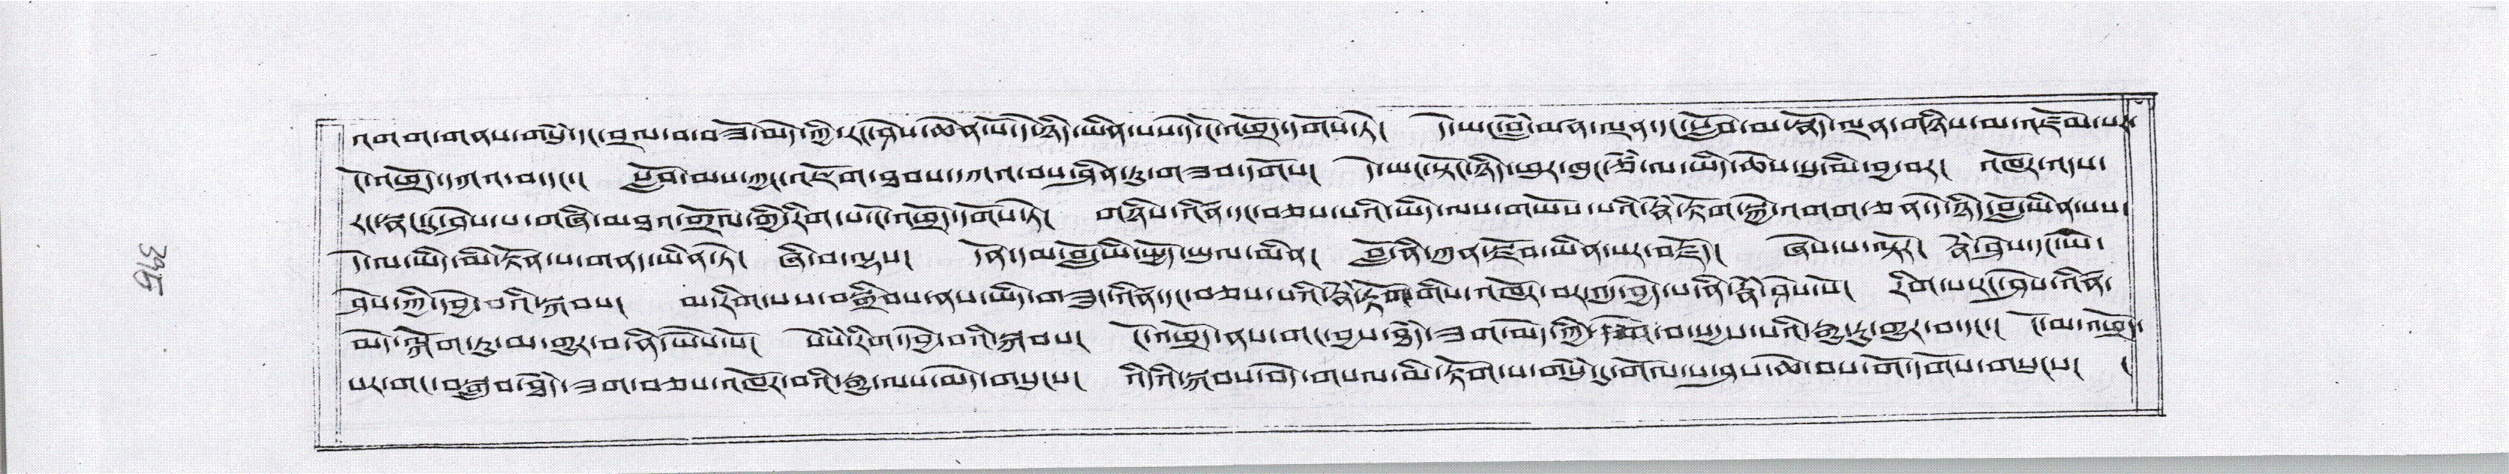འགག་གནས་གསུམ་དང་བྲལ་བ་བཟོ་མེད་ཀྱི་རང་ཤེས་ཆེན་པོ་དེ་ཉིད་ཡིན་པས་དེ་ངོ་འཕྲོད་དགོས་ཏེ། དེ་ཡང་བླ་མ་མཚན་ལྡན་དང་སློབ་མ་སྣོད་ལྡན་གཉིས་མ་འཛོམས་པར་
ངོ་འཕྲོད་དཀའ་བ་དང་། སློབ་མས་ཀྱང་འཇོག་ཐབས་དཀའ་བས་ཤིན་ཏུ་གཟབ་དགོས། དེ་ཡང་སྟོང་ཉིད་ཕུར་ཁུང་ཙམ་ལ་ཡིད་ཆེས་སུ་མི་བྱ་བར། འཁོར་འདས་
རང་སྣང་དུ་ཤེས་པ་གཞི་མཐའ་གྲོལ་གྱི་རིག་པ་ངོ་འཕྲོད་དགོས་ཏེ། གཉིས་འཛིན་དང་བཅས་ཏེ་གཡོས་པའི་ཡིད་ལས་གཡོས་པའི་རྣམ་རྟོག་སྐྱེ་འགག་ཅན་དེ་ཉིད་བློ་ཡིན་པས་
དེ་ལ་ཡིད་མི་རྟོན་པ་གནད་ཡིན་ཏེ། ཞི་བ་ལྷས། དོན་དམ་བློ་ཡི་སྤྱོད་ཡུལ་མིན། བློ་ནི་ཀུན་རྫོབ་ཡིན་པར་བརྗོད། ཅེས་པ་ལྟར་རོ། རྣམ་ཤེས་དང་ཡིད་
ཤེས་དབྱེ་བའི་སྐབས་མ་རིག་པས་བསྒྲིབས་ནས་ཡིད་གཟུང་འཛིན་དང་བཅས་པའི་རྣམ་རྟོག་གིས་འཁོར་བར་འདུ་བྱེད་པ་ནི་རྣམ་ཤེས་སོ། རིག་པ་རང་ཤེས་འཛིན་
མེད་ལྐོག་ཏུ་མ་གྱུར་པ་ནི་ཡེ་ཤེས་སོ། སེམས་རིག་དབྱེ་བའི་སྐབས། ངོ་འཕྲོད་ནས་གང་བྱས་ཐམས་ཅད་ཟག་མེད་ཀྱི་དགེ་བ་སངས་རྒྱས་པའི་རྒྱུ་རུ་འགྱུར་བ་དང་། ངོ་མ་འཕྲོད་
པར་གང་བསྒྲུབ་ཐམས་ཅད་ཟག་བཅས་འཁོར་བའི་རྒྱུ་ལས་མེད་གསུངས། འདིའི་སྐབས་བདེ་གསལ་མི་རྟོག་པ་གསུམ་དུ་གོལ་ས་ཤས་ཆེ་བས་གོ་དགོས་གསུངས།